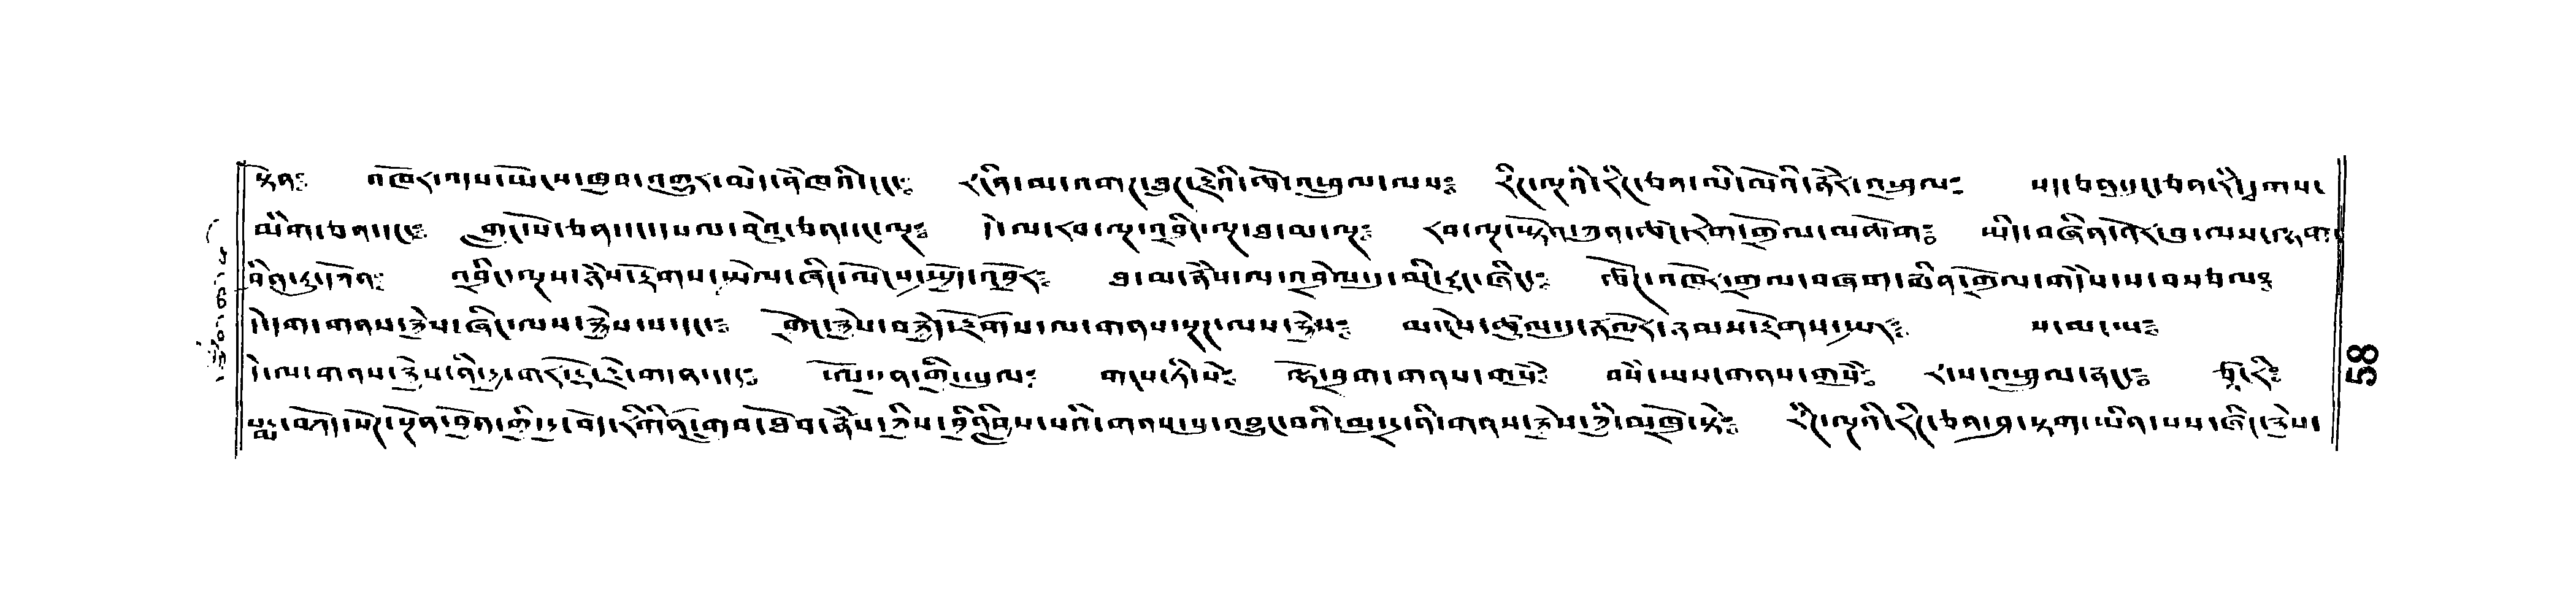སྟོན༔ འཁོར་འདས་ཡོངས་ཁྱབ་འགྱུར་མེད་ནམ་མཁའི་ངང༔རང་བཞིན་མ་འགགས་ཐུགས་རྗེའི་ཆོ་འཕྲུལ་ལས༔ རིགས་ལྔའི་རིགས་ཅན་མི་མོའི་རྣམ་པར་འཕྲུལ༔ པད་ཅན་དུང་ཅན་རི་དྭགས་
མིག་ཅན་དང༔ གླང་པོ་ཅན་དང་དཔལ་བེའུ་ཅན་དང་ལྔ༔ དེ་ལ་རབ་ལྔ་འབྲིང་ལྔ་ཐ་མ་ལྔ༔ རབ་ལྔ་ཡོན་ཏན་ཀུན་ཚང་རེག་གྲོལ་མཆོག༔ ཡིད་བཞིན་ནོར་བུ་ལས་ལྷག་
ཤིན་ཏུ་དཀོན༔ འབྲིང་ལྔས་ཉམས་རྟོགས་སྤེལ་ཞིང་ལོངས་སྤྱོད་འབྱོར༔ ཐ་མ་རྣམས་ལ་འབྲེལ་དུ་མི་རུང་ཞིང༔ ཚོགས་འཁོར་གྲལ་བཞག་སྨིན་གྲོལ་གདམས་པ་བསྩལ༔ 
དེ་དག་གནས་སྐྱེས་ཞིང་ལས་སྐྱེས་པ་དང༔ གྲོང་སྐྱེས་བསྐྱེད་རྫོགས་ལ་གནས་སྔགས་ལས་སྐྱེས༔ མ་ངེས་ཚུལ་དུ་རྣལ་འབྱོར་ཉམས་རྟོགས་སྤར༔ ས་མ་ཡ༔ 
དེ་ལ་གནས་སྐྱེས་ནི་རྒྱ་གར་རྡོ་རྗེ་གདན་དང༔ ཨོ་རྒྱན་གྱི་ཡུལ༔ གངས་ཏི་སེ༔ ལྷོ་བྲག་གནས་གསུམ༔ བསམ་ཡས་གནས་གསུམ༔ ར་ས་འཕྲུལ་སྣང༔ ཙཱ་རིཿ
པདྨ་བཀོད་སོགས་སྔོན་བྱོན་གྱི་རྒྱ་བོད་རིག་འཛིན་གྲུབ་ཐོབ་རྣམས་ཀྱིས་བྱིན་གྱིས་བརླབས་པའི་གནས་སུ་འབྱུང་བའི་མུ་དྲ་ནི་གནས་སྐྱེས་ཀྱི་མཁའ་འགྲོ་སྟེ༔ རིགས་ལྔའི་རིགས་ཅན་ཤ་སྟག་ཡིན་པས་ཞིང་སྐྱེས་